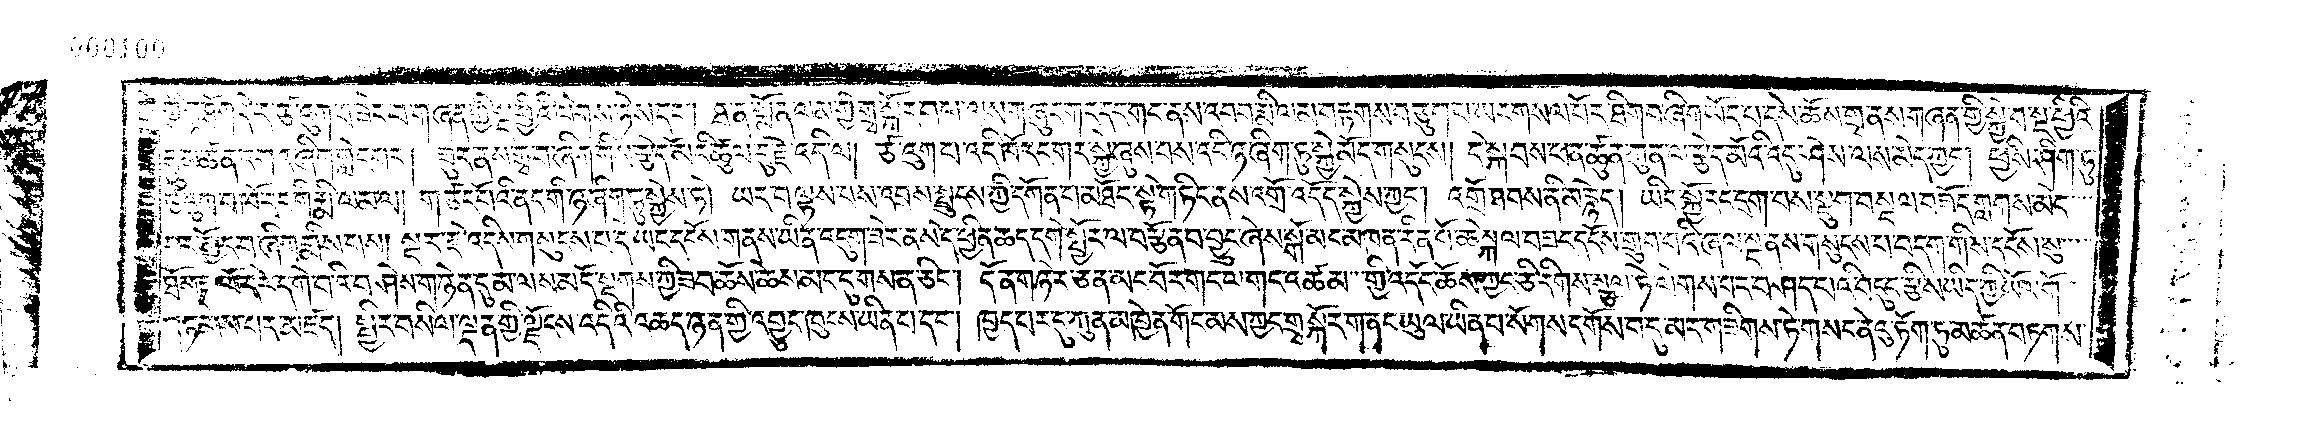ཀྱི་གྲྭ་ཐོག་དེར་ཙ་འུག་པ་ཟེར་བ་གཞན་གྱི་སྔ་ཕྱིའི་ལེགས་ཉེས་དང་། ཐ་ན་སྨོན་ལམ་གྱི་གྲྭ་སྐོར་བ་ལ་ལས་གཞུང་གང་དང་གང་ནས་འབབ་རྨི་ལམ་བརྟགས་བཅུག་པ་ཡང་གསལ་པོར་ཐིག་པ་ཞིག་ཡོད་པ་དེས་ཆོས་གྲྭ་ནས་གཞན་གྱི་སྐྱེ་བ་སྔ་ཕྱིའི་
རྒྱུ་མཚན་འགའ་ཞིག་གླེང་བར། ཟུར་ནས་གྲྭ་བ་ཞིག་གིས་རྩེད་མོའི་ཚུལ་དུ་རྗེ་འདི་ལ། ཙ་འུག་པ་འདི་ཁོ་རང་གར་སྐྱེ་ཞུས་པས་འདི་ཉ་ཞིག་ཏུ་སྐྱེ་མོད་གསུངས། དེ་སྐབས་ཕན་ཚུན་ཀུན་ལ་རྩེད་མོའི་འདུ་ཤེས་ལས་མེད་ཀྱང་། ཕྱིས་ཤིག་ཏུ་
ཙ་འུག་པ་ཁོ་རང་གི་རྨི་ལམ་ལ། གཙང་པོའི་ནང་གི་ཉ་ཞིག་ཏུ་སྐྱེས་ཏེ། ཡར་བལྟས་པས་འབྲས་སྤུངས་ཀྱི་དགོན་པ་མཐོང་སྟེ་གཏིང་ནས་འགྲོ་འདོད་སྐྱེས་ཀྱང་། འགྲོ་ཐབས་ནི་མ་རྙེད། ཡིད་སྐྱོ་རང་དྲག་པས་སྡུག་བསྔལ་བཟོད་གླགས་མེད་
པར་མྱོང་བ་ཞིག་རྨིས་པས། སྔར་རྗེ་འདིས་གསུངས་པ་དེ་ཡང་དངོས་གནས་ཡིན་འདུག་ཟེར་ནས་དེ་ཕྱིན་ཆད་དགེ་སྦྱོར་ལ་བརྩོན་པ་བྱུང་ཞེས་སྒོ་མང་མཁན་རིན་པོ་ཆེ་སྐལ་བཟང་དངོས་གྲུབ་པའི་ཞལ་སྔ་ནས་གསུངས་པ་བདག་གིས་དངོས་སུ་
ཐོས༑ ལོ་དེར་དགེ་བའི་བཤེས་གཉེན་དུ་མ་ལས་མདོ་སྔགས་ཀྱི་ཟབ་ཆོས་ཆེས་མང་དུ་གསན་ཅིང་། དོན་གཉེར་ཅན་མང་པོར་གང་ལ་གང་འཚམ་ཀྱི་འདོད་ཆོས་ཀྱང་ཅི་རིགས་སྩལ་ཏེ་ལེགས་པར་བཤད་པའི་བདུད་རྩིས་ཡིད་ཀྱི་ཡོལ་གོ་
གཏམས་པར་མཛད། སྤྱིར་བསིལ་ལྡན་གྱི་ལྗོངས་འདིའི་འཆད་ཉན་གྱི་འབྱུང་ཁུངས་ཡིན་པ་དང་། ཁྱད་པར་དུ་ཀུན་མཁྱེན་གོང་མས་ཀྱང་གྲྭ་སྐོར་གནང་ཡུལ་ཡིན་པ་སོགས་དགོས་པ་དུ་མར་གཟིགས་ཏེ་གསང་ནེའུ་ཏོག་ཏུ་མཚན་བཏགས་